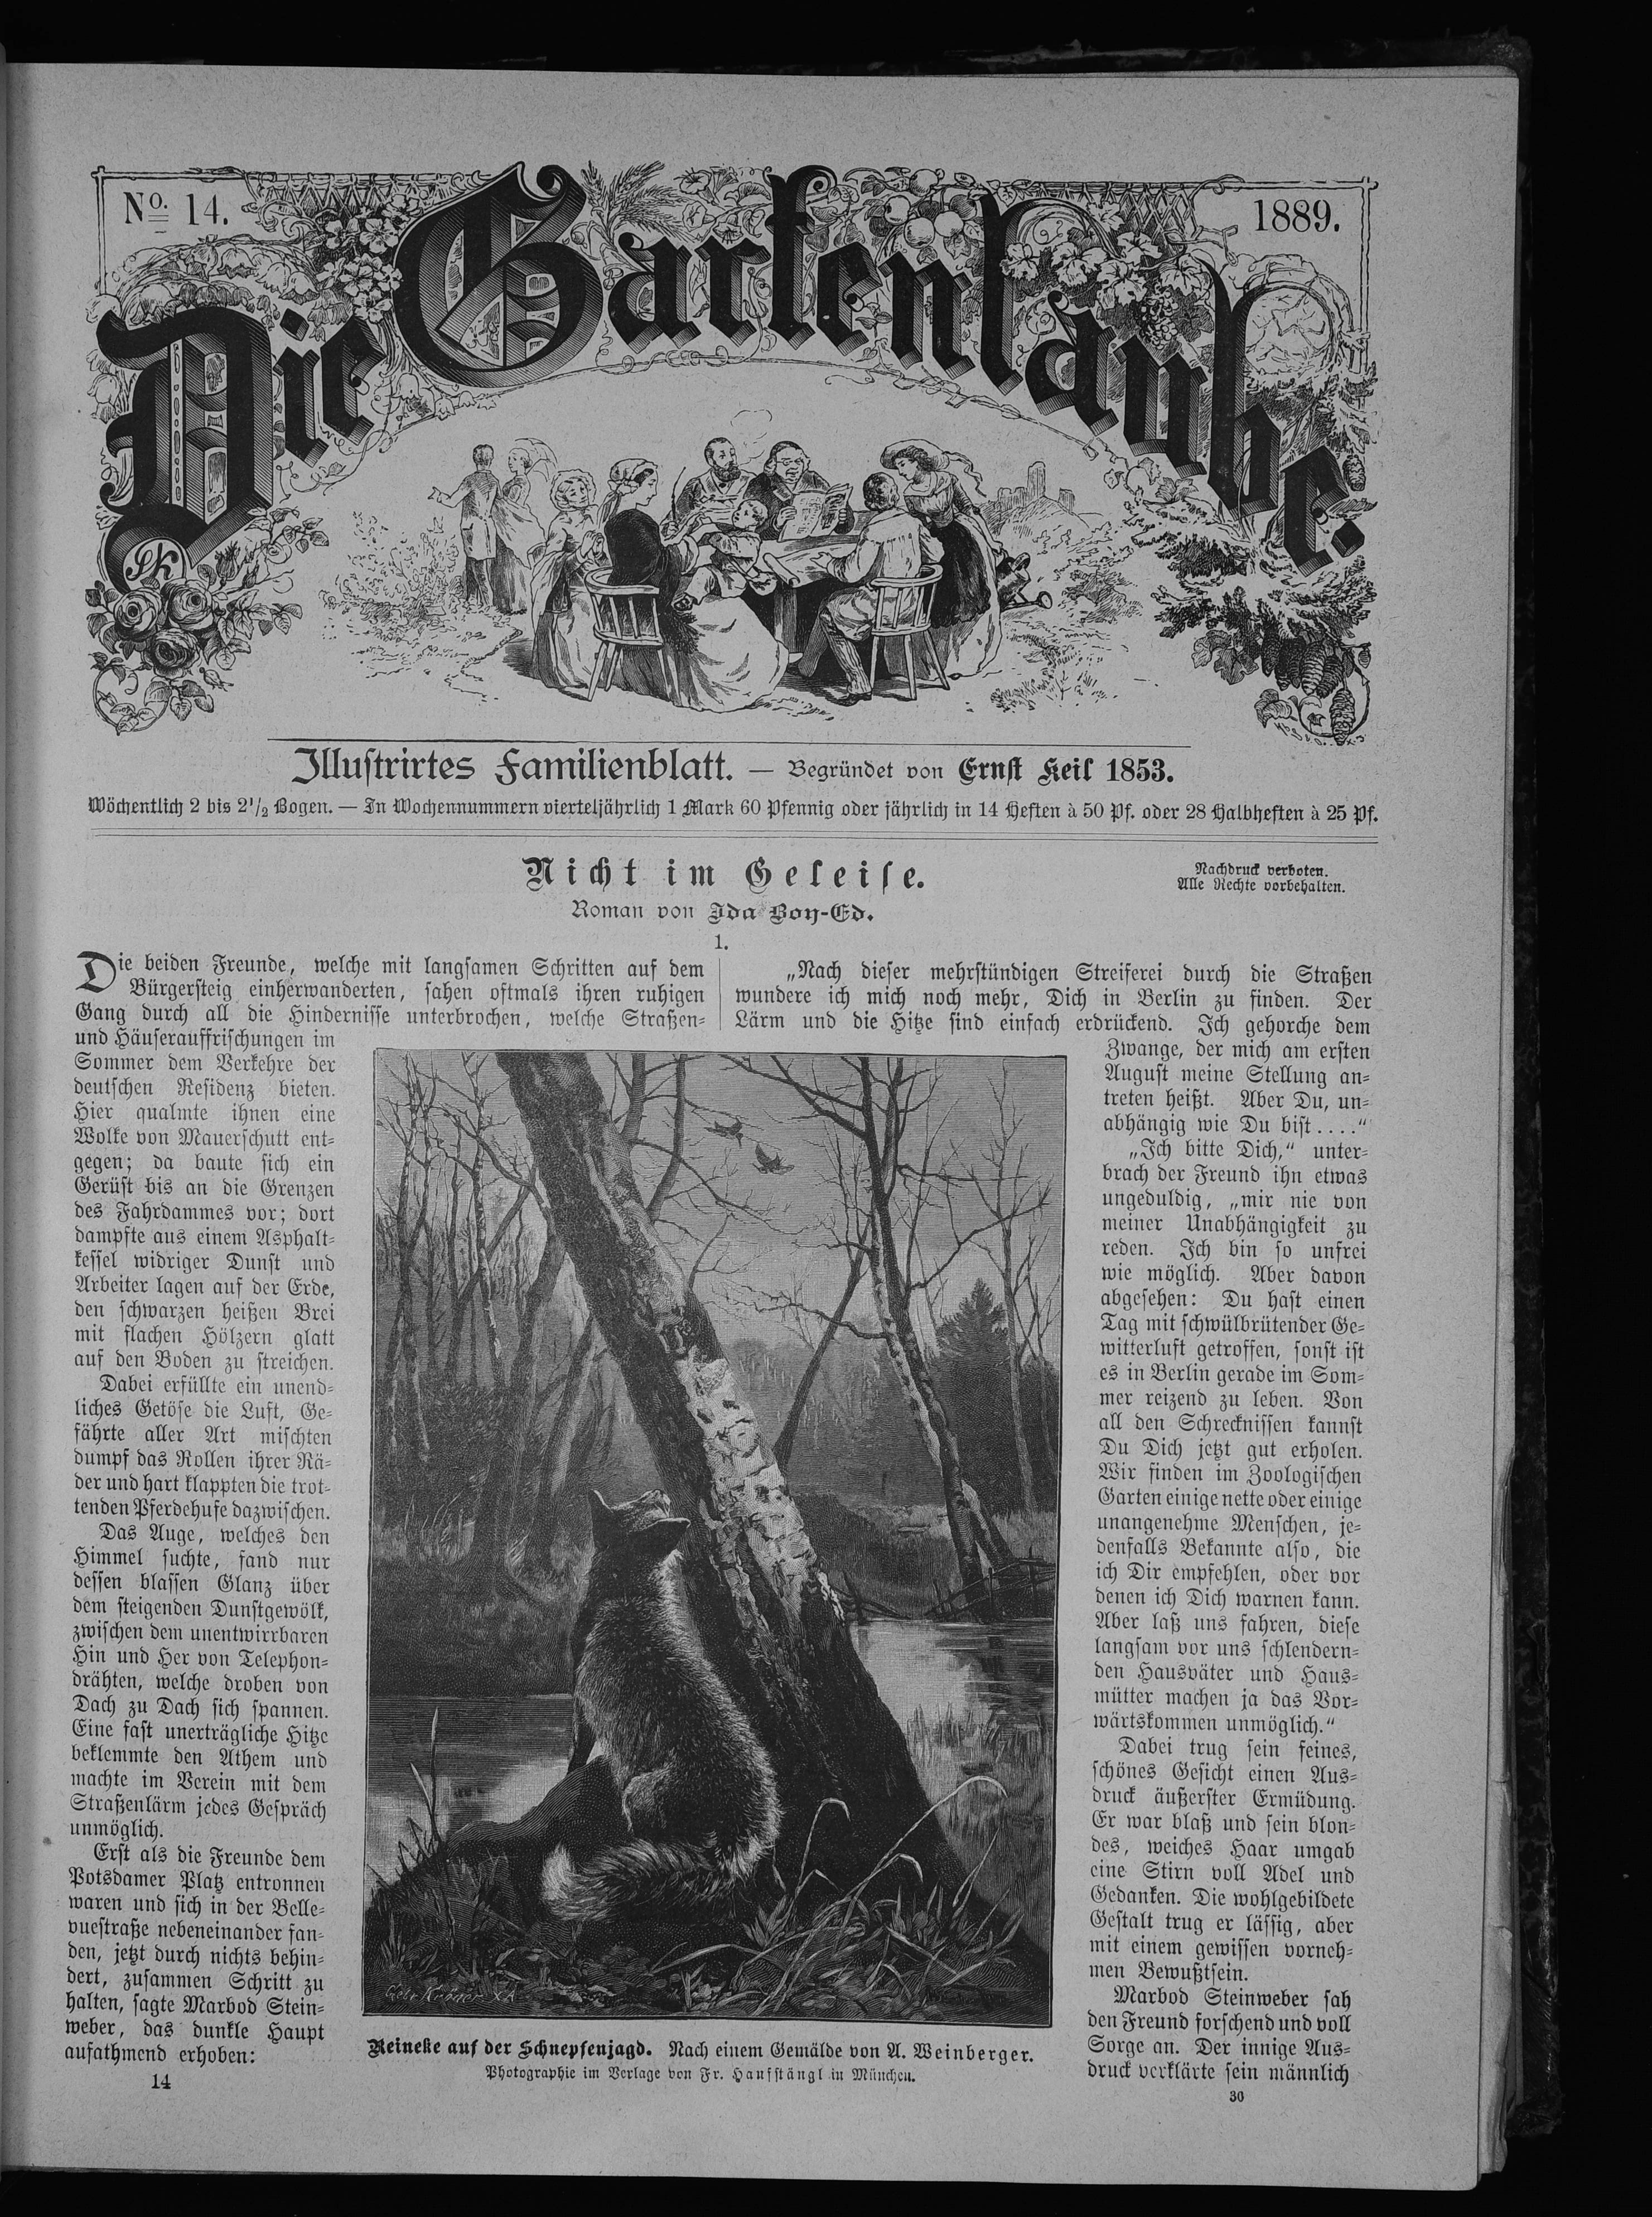No. 14. 1889.
Die Gartenlaube.

Illustrirtes Familienblatt. — Begründet von Ernst Keil 1853.

Wöchentlich 2 bis 2½ Bogen. – In Wochennummern vierteljährlich 1 Mark 60 Pfennig oder jährlich in 14 Heften à 50 Pf. oder 28 Halbheften à 25 Pf.

Nicht im Geleise.
Roman von Ida Boy-Ed.

1.

Die beiden Freunde, welche mit langsamen Schritten auf dem Bürgersteig einherwanderten, sahen oftmals ihren ruhigen Gang durch all die Hindernisse unterbrochen, welche Straßen- und Häuserauffrischungen im Sommer dem Verkehre der deutschen Residenz bieten. Hier qualmte ihnen eine Wolke von Mauerschutt entgegen; da baute sich ein Gerüst bis an die Grenzen des Fahrdammes vor; dort dampfte aus einem Asphaltkessel widriger Dunst und Arbeiter lagen auf der Erde, den schwarzen heißen Brei mit flachen Hölzern glatt auf den Boden zu streichen.

Dabei erfüllte ein unendliches Getöse die Luft, Gefährte aller Art mischten dumpf das Rollen ihrer Räder und hart klappten die trottenden Pferdehufe dazwischen.

Das Auge, welches den Himmel suchte, fand nur dessen blassen Glanz über dem steigenden Dunstgewölk, zwischen dem unentwirrbaren Hin und Her von Telephondrähten, welche droben von Dach zu Dach sich spannen. Eine fast unerträgliche Hitze beklemmte den Athem und machte im Verein mit dem Straßenlärm jedes Gespräch unmöglich.

Erst als die Freunde dem Potsdamer Platz entronnen waren und sich in der Bellevuestraße nebeneinander fanden, jetzt durch nichts behindert, zusammen Schritt zu halten, sagte Marbod Steinweber, das dunkle Haupt aufathmend erhoben:

„Nach dieser mehrstündigen Streiferei durch die Straßen wundere ich mich noch mehr, Dich in Berlin zu finden. Der Lärm und die Hitze sind einfach erdrückend. Ich gehorche dem Zwange, der mich am ersten August meine Stellung antreten heißt. Aber Du, unabhängig wie Du bist …“

„Ich bitte Dich,“ unterbrach der Freund ihn etwas ungeduldig, „mir nie von meiner Unabhängigkeit zu reden. Ich bin so unfrei wie möglich. Aber davon abgesehen. Du hast einen Tag mit schwülbrütender Gewitterluft getroffen, sonst ist es in Berlin gerade im Sommer reizend zu leben. Von all den Schrecknissen kannst Du Dich jetzt gut erholen. Wir finden im Zoologischen Garten einige nette oder einige unangenehme Menschen, jedenfalls Bekannte also, die ich Dir empfehlen, oder vor denen ich Dich warnen kann. Aber laß uns fahren, diese langsam vor uns schlendernden Hausväter und Hausmütter machen ja das Vorwärtskommen unmöglich.“

Dabei trug sein feines, schönes Gesicht einen Ausdruck äußerster Ermüdung. Er war blaß und sein blondes, weiches Haar umgab eine Stirn voll Adel und Gedanken. Die wohlgebildete Gestalt trug er lässig, aber mit einem gewissen vornehmen Bewußtsein.

Marbod Steinweber sah den Freund forschend und voll Sorge an. Der innige Ausdruck verklärte sein männlich

Reineke auf der Schnepfenjagd. Nach einem Gemälde von A. Weinberger.
Photographie im Verlage von Fr. Hanfstängl in München.
